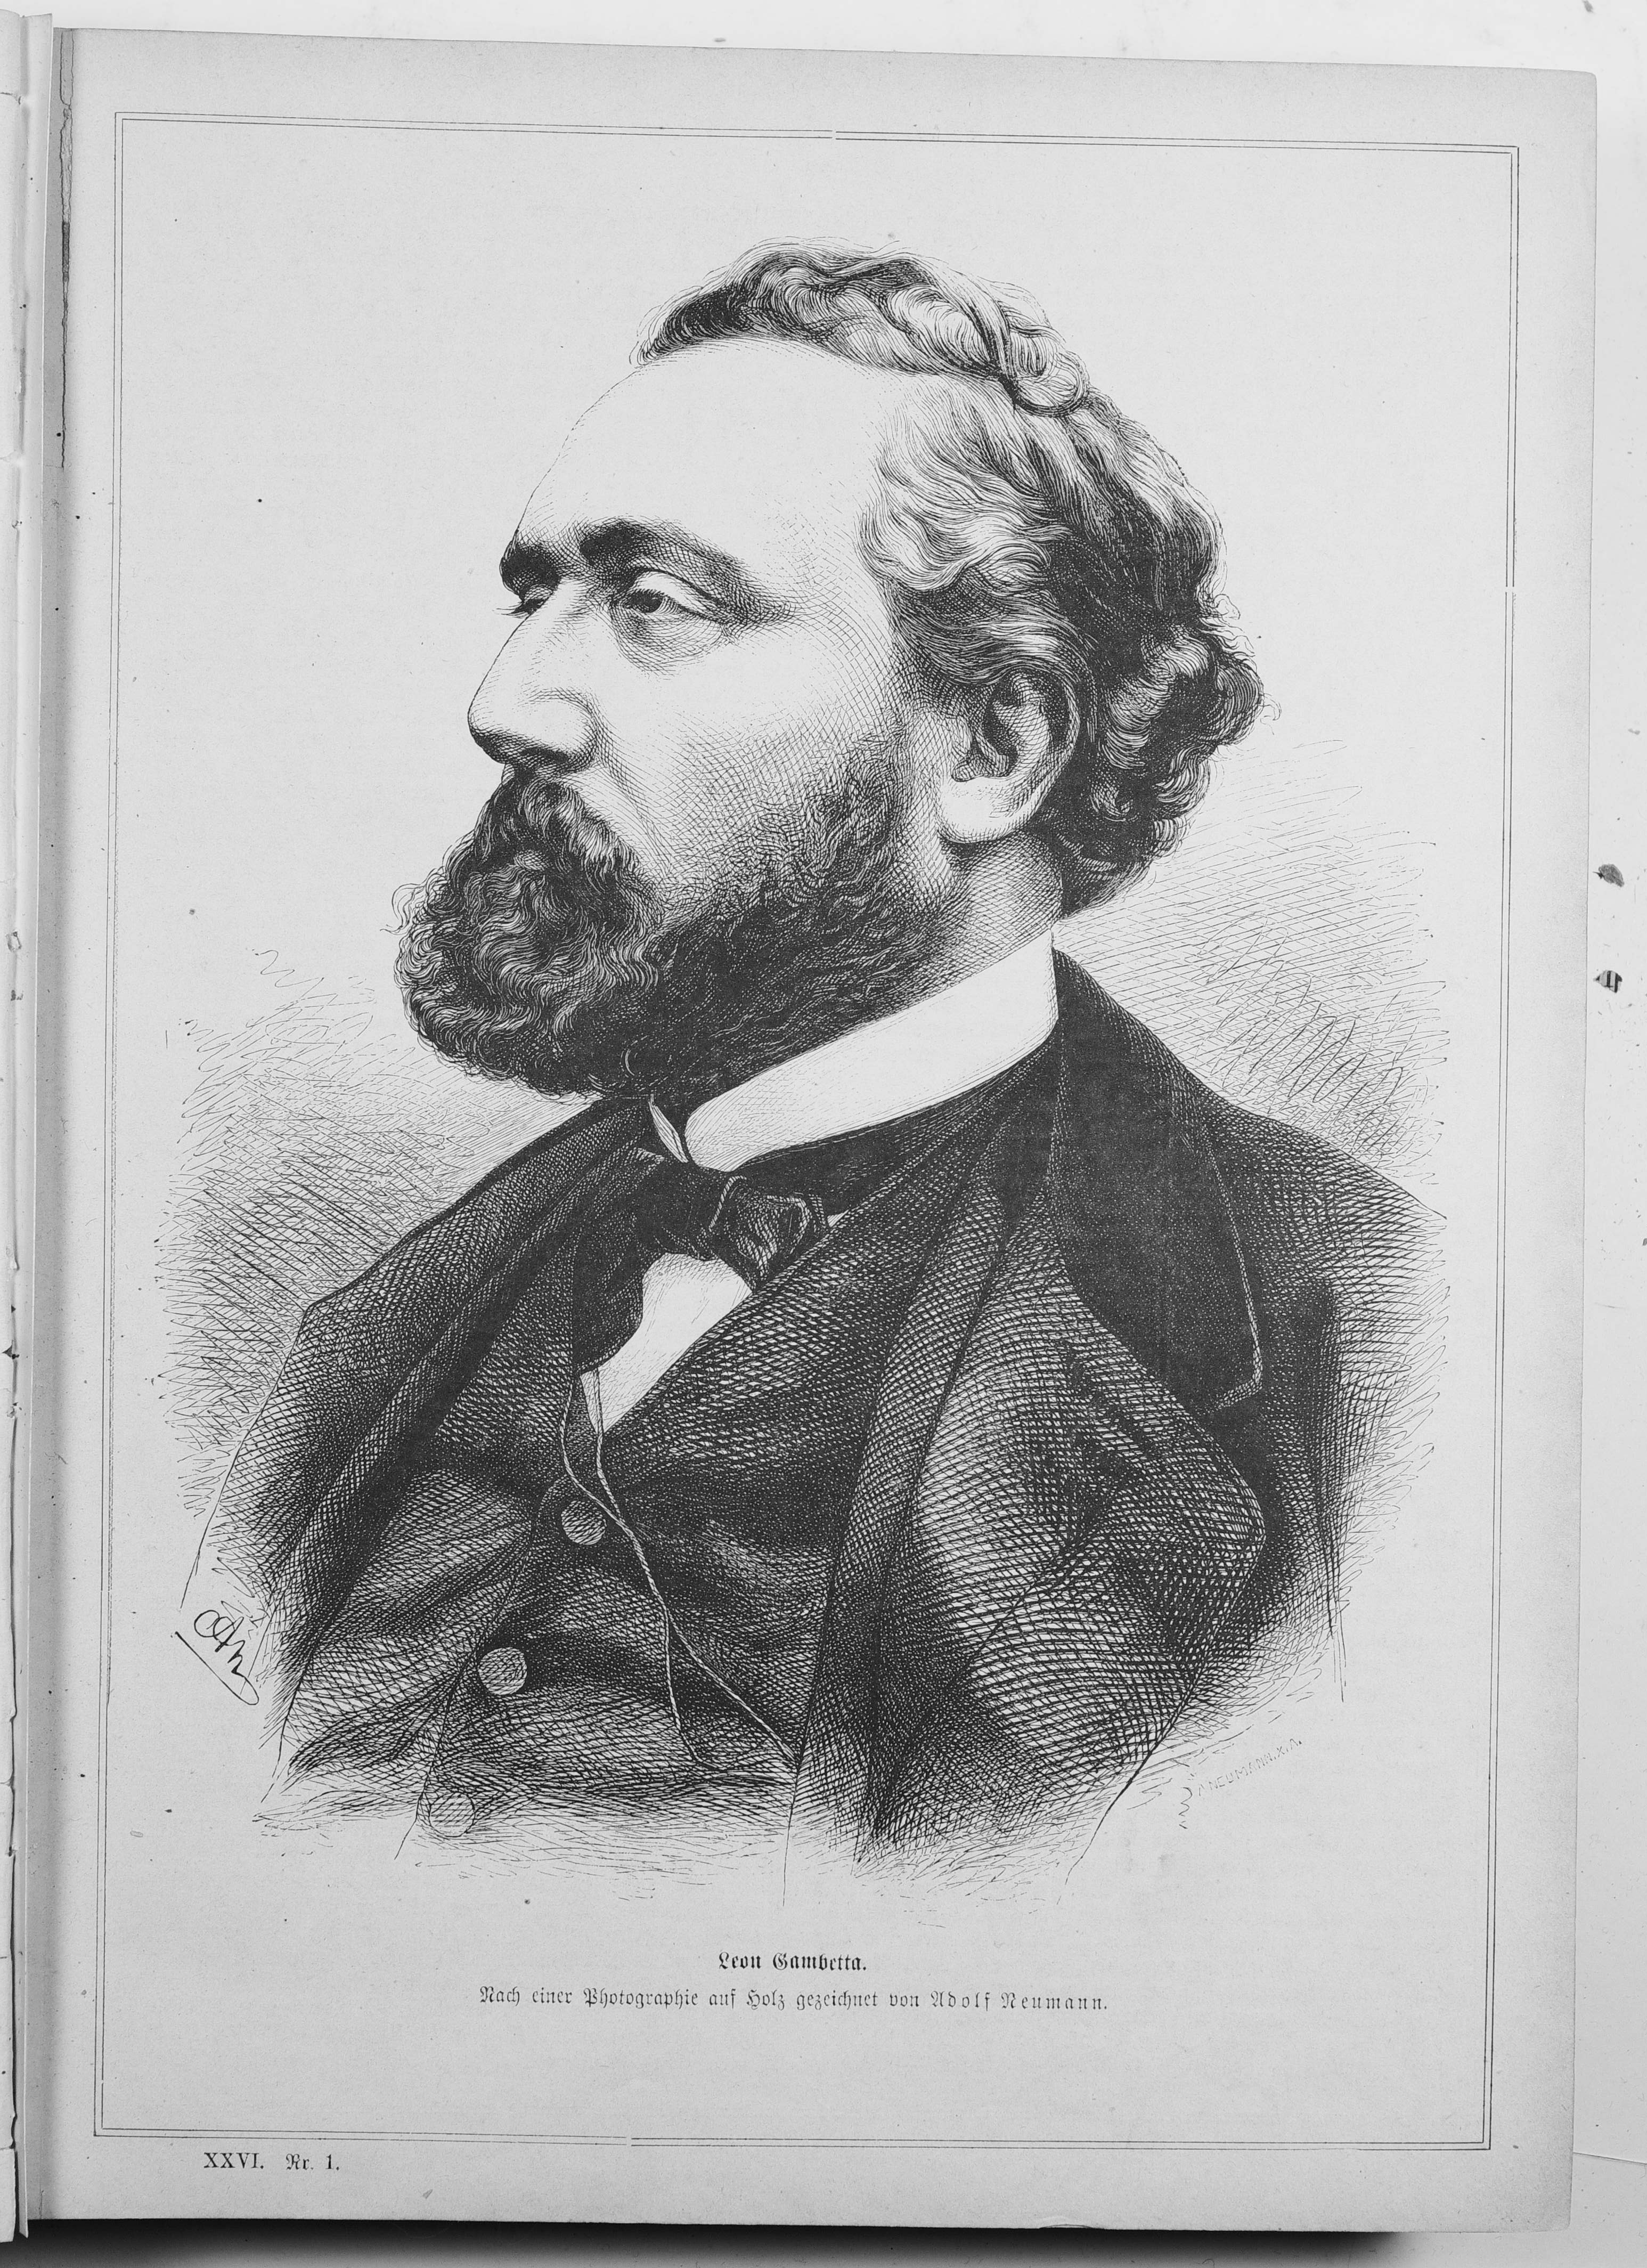Leon Gambetta.
Nach einer Photographie auf Holz gezeichnet von Adolf Neumann.
